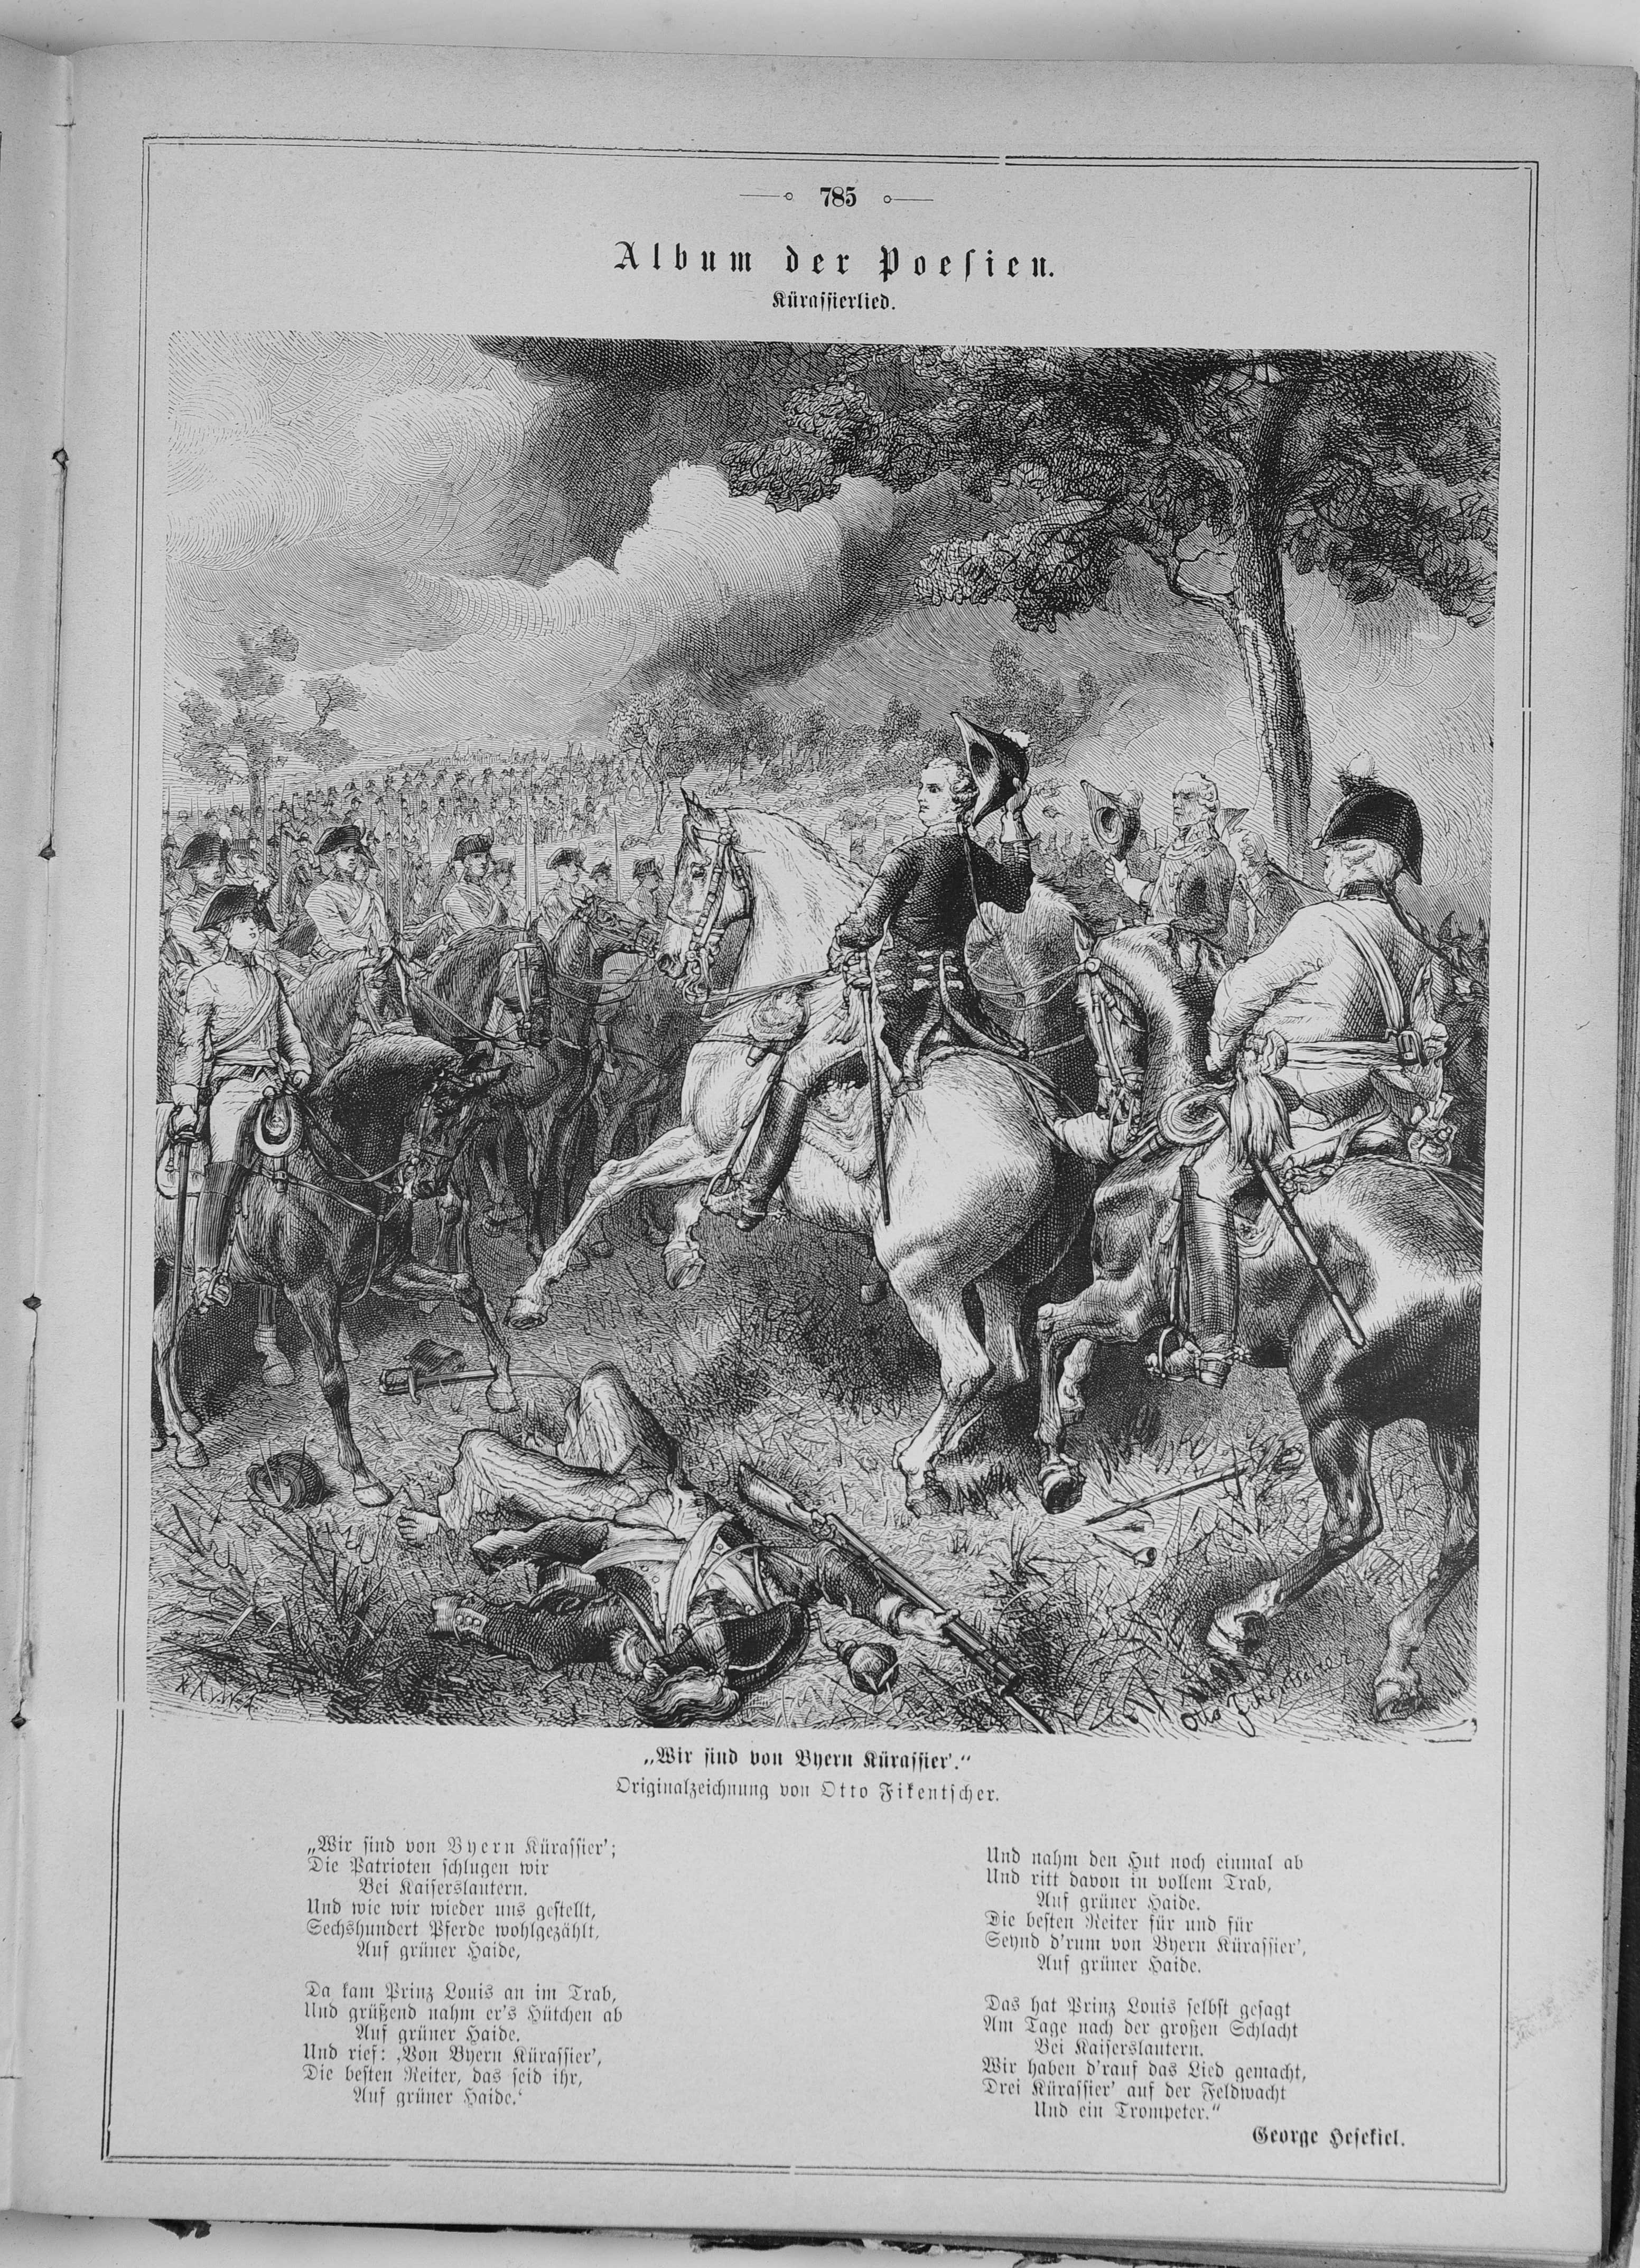Album der Poesien.
Kürassierlied.

„Wir sind von Byern Kürassier’.“
Originalzeichnung von Otto Fikentscher.

„Wir sind von Byern Kürassier’;
Die Patrioten schlugen wir
Bei Kaiserslautern.
Und wie wir wieder uns gestellt,
Sechshundert Pferde wohlgezählt,
Auf grüner Haide,

Da kam Prinz Louis an im Trab,
Und grüßend nahm er’s Hütchen ab
Auf grüner Haide.
Und rief: ,Von Byern Kürassier’,
Die besten Reiter, das seid ihr,
Auf grüner Haide.‘

Und nahm den Hut noch einmal ab
Und ritt davon in vollem Trab,
Auf grüner Haide.
Die besten Reiter für und für
Seynd d’rum von Byern Kürassier’,
Auf grüner Haide.

Das hat Prinz Louis selbst gesagt
Am Tage nach der großen Schlacht
Bei Kaiserslautern.
Wir haben d’rauf das Lied gemacht,
Drei Kürassier’ auf der Feldwacht
Und ein Trompeter.“

George Hesekiel.
